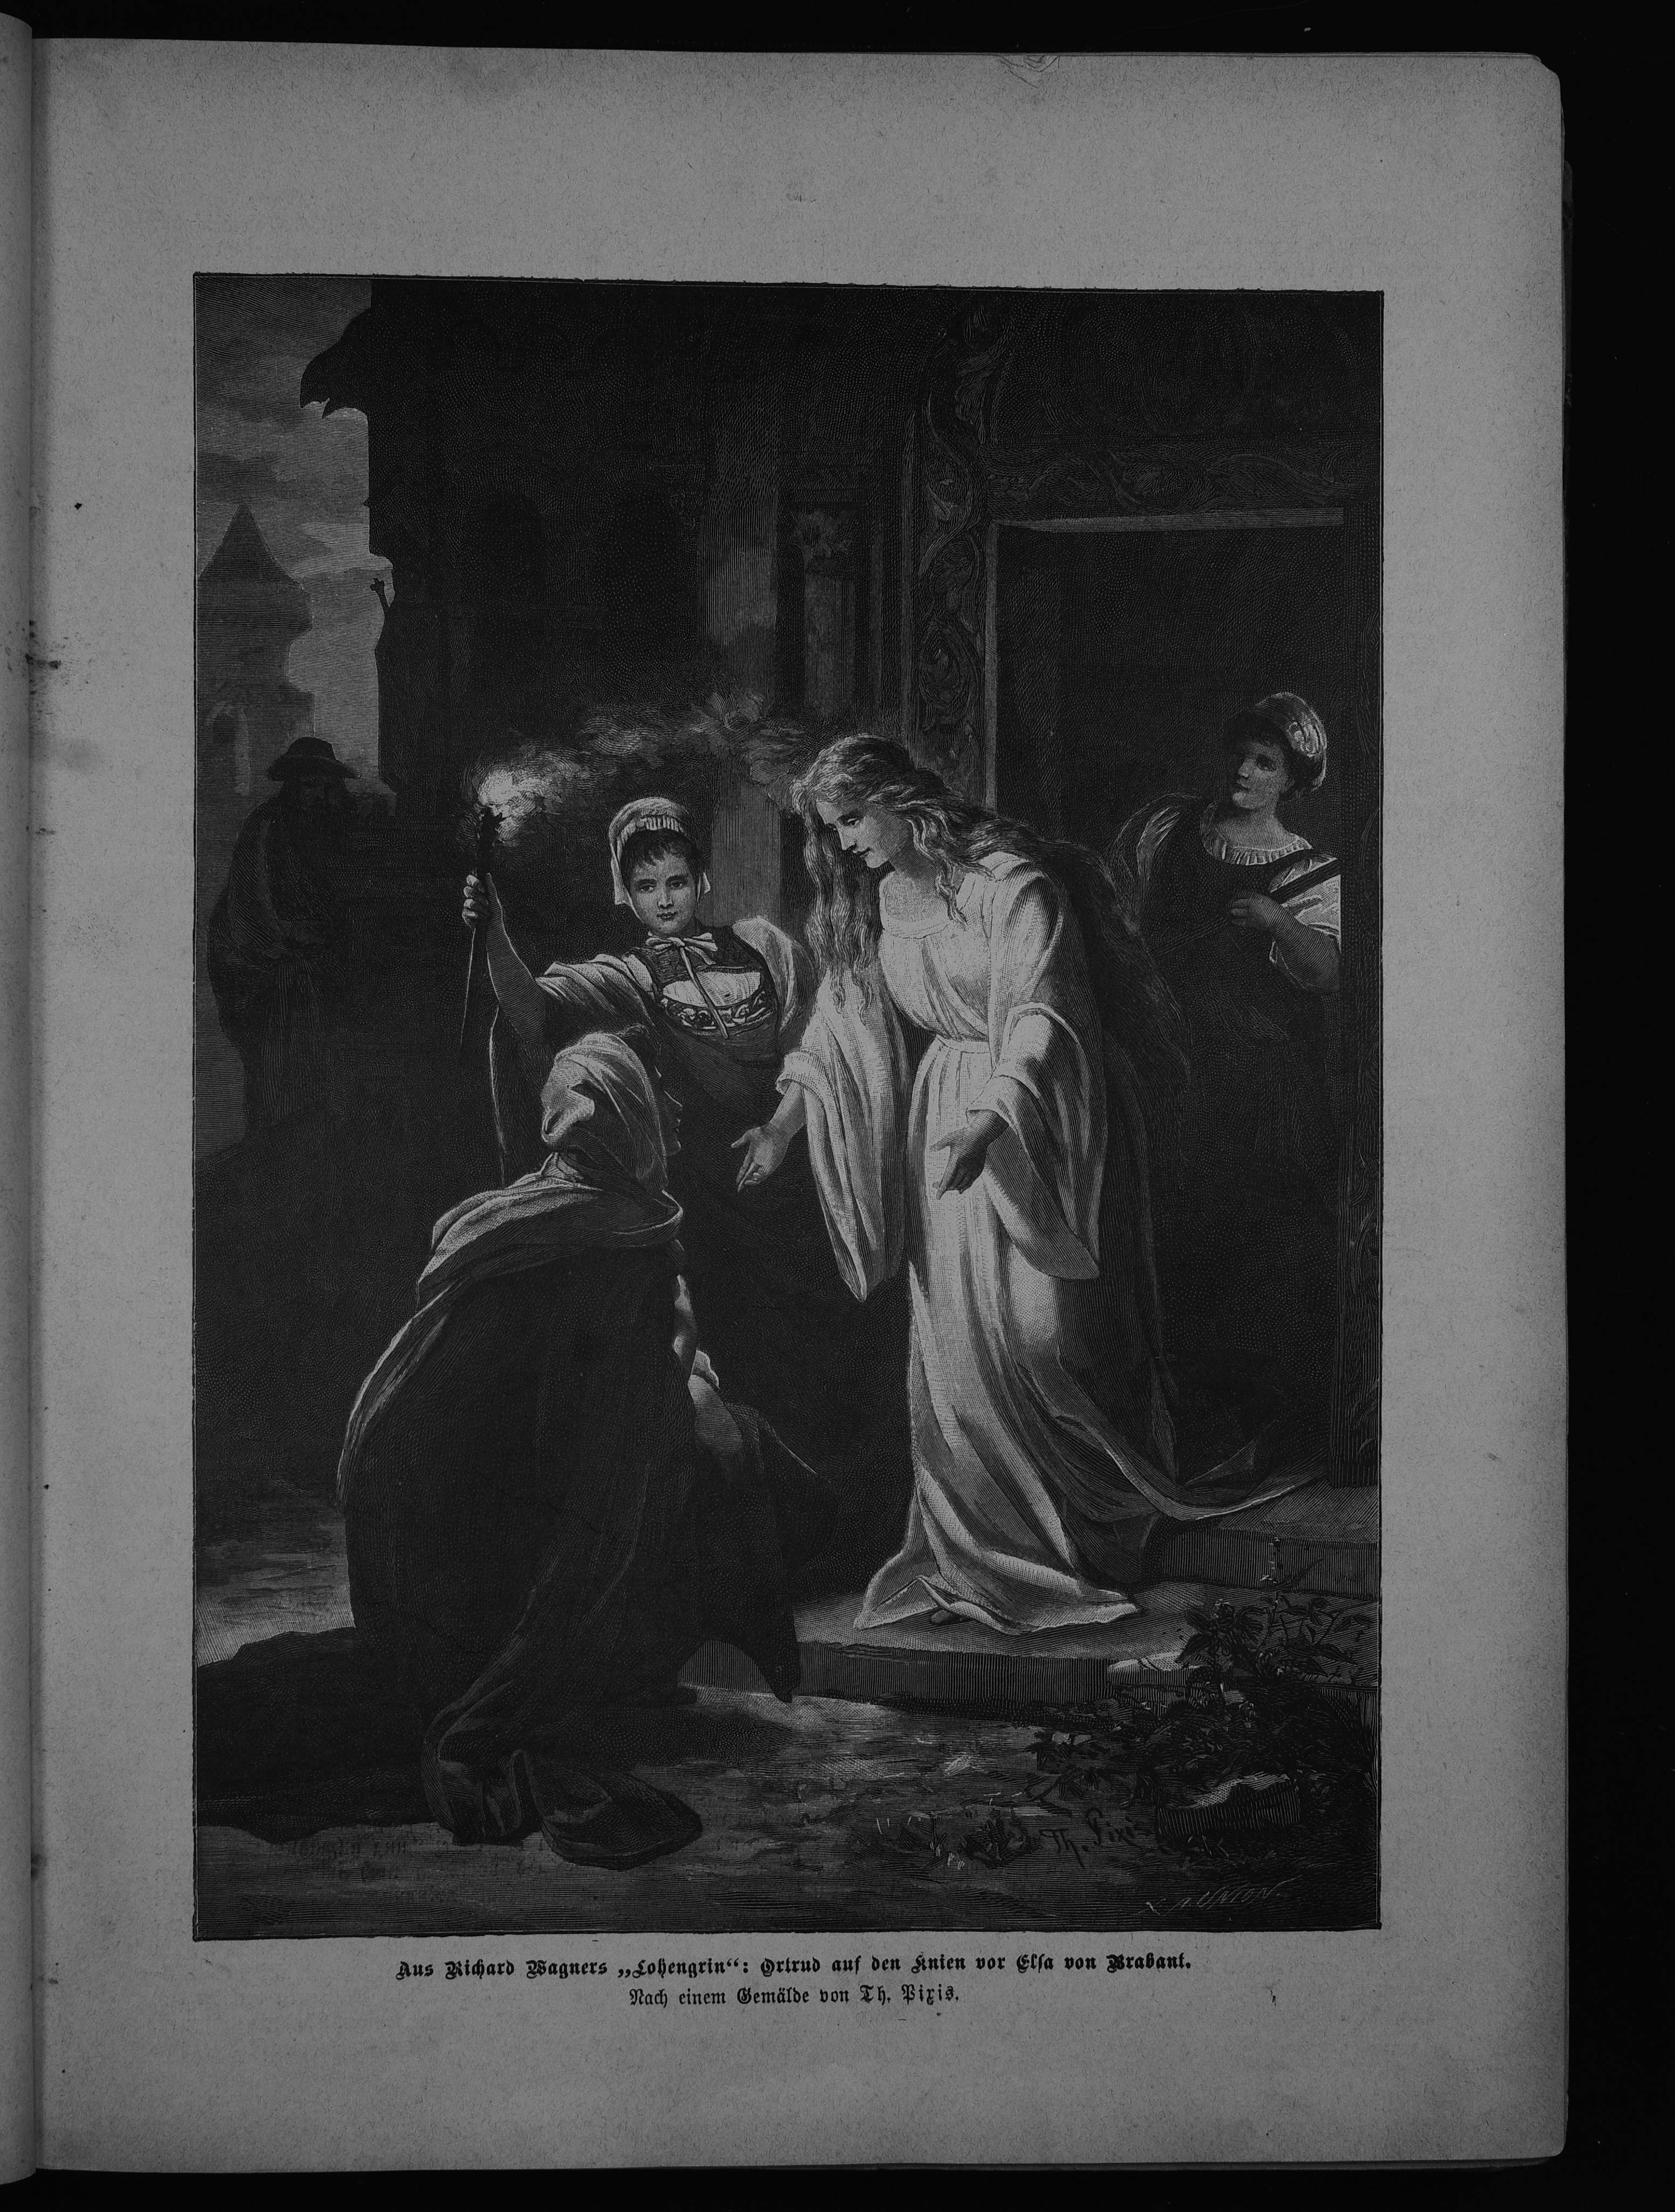Aus Richard Wagners „Lohengrin“: Ortrud auf den Knien vor Elsa von Brabant.
Nach einem Gemälde von Th. Pixis.
